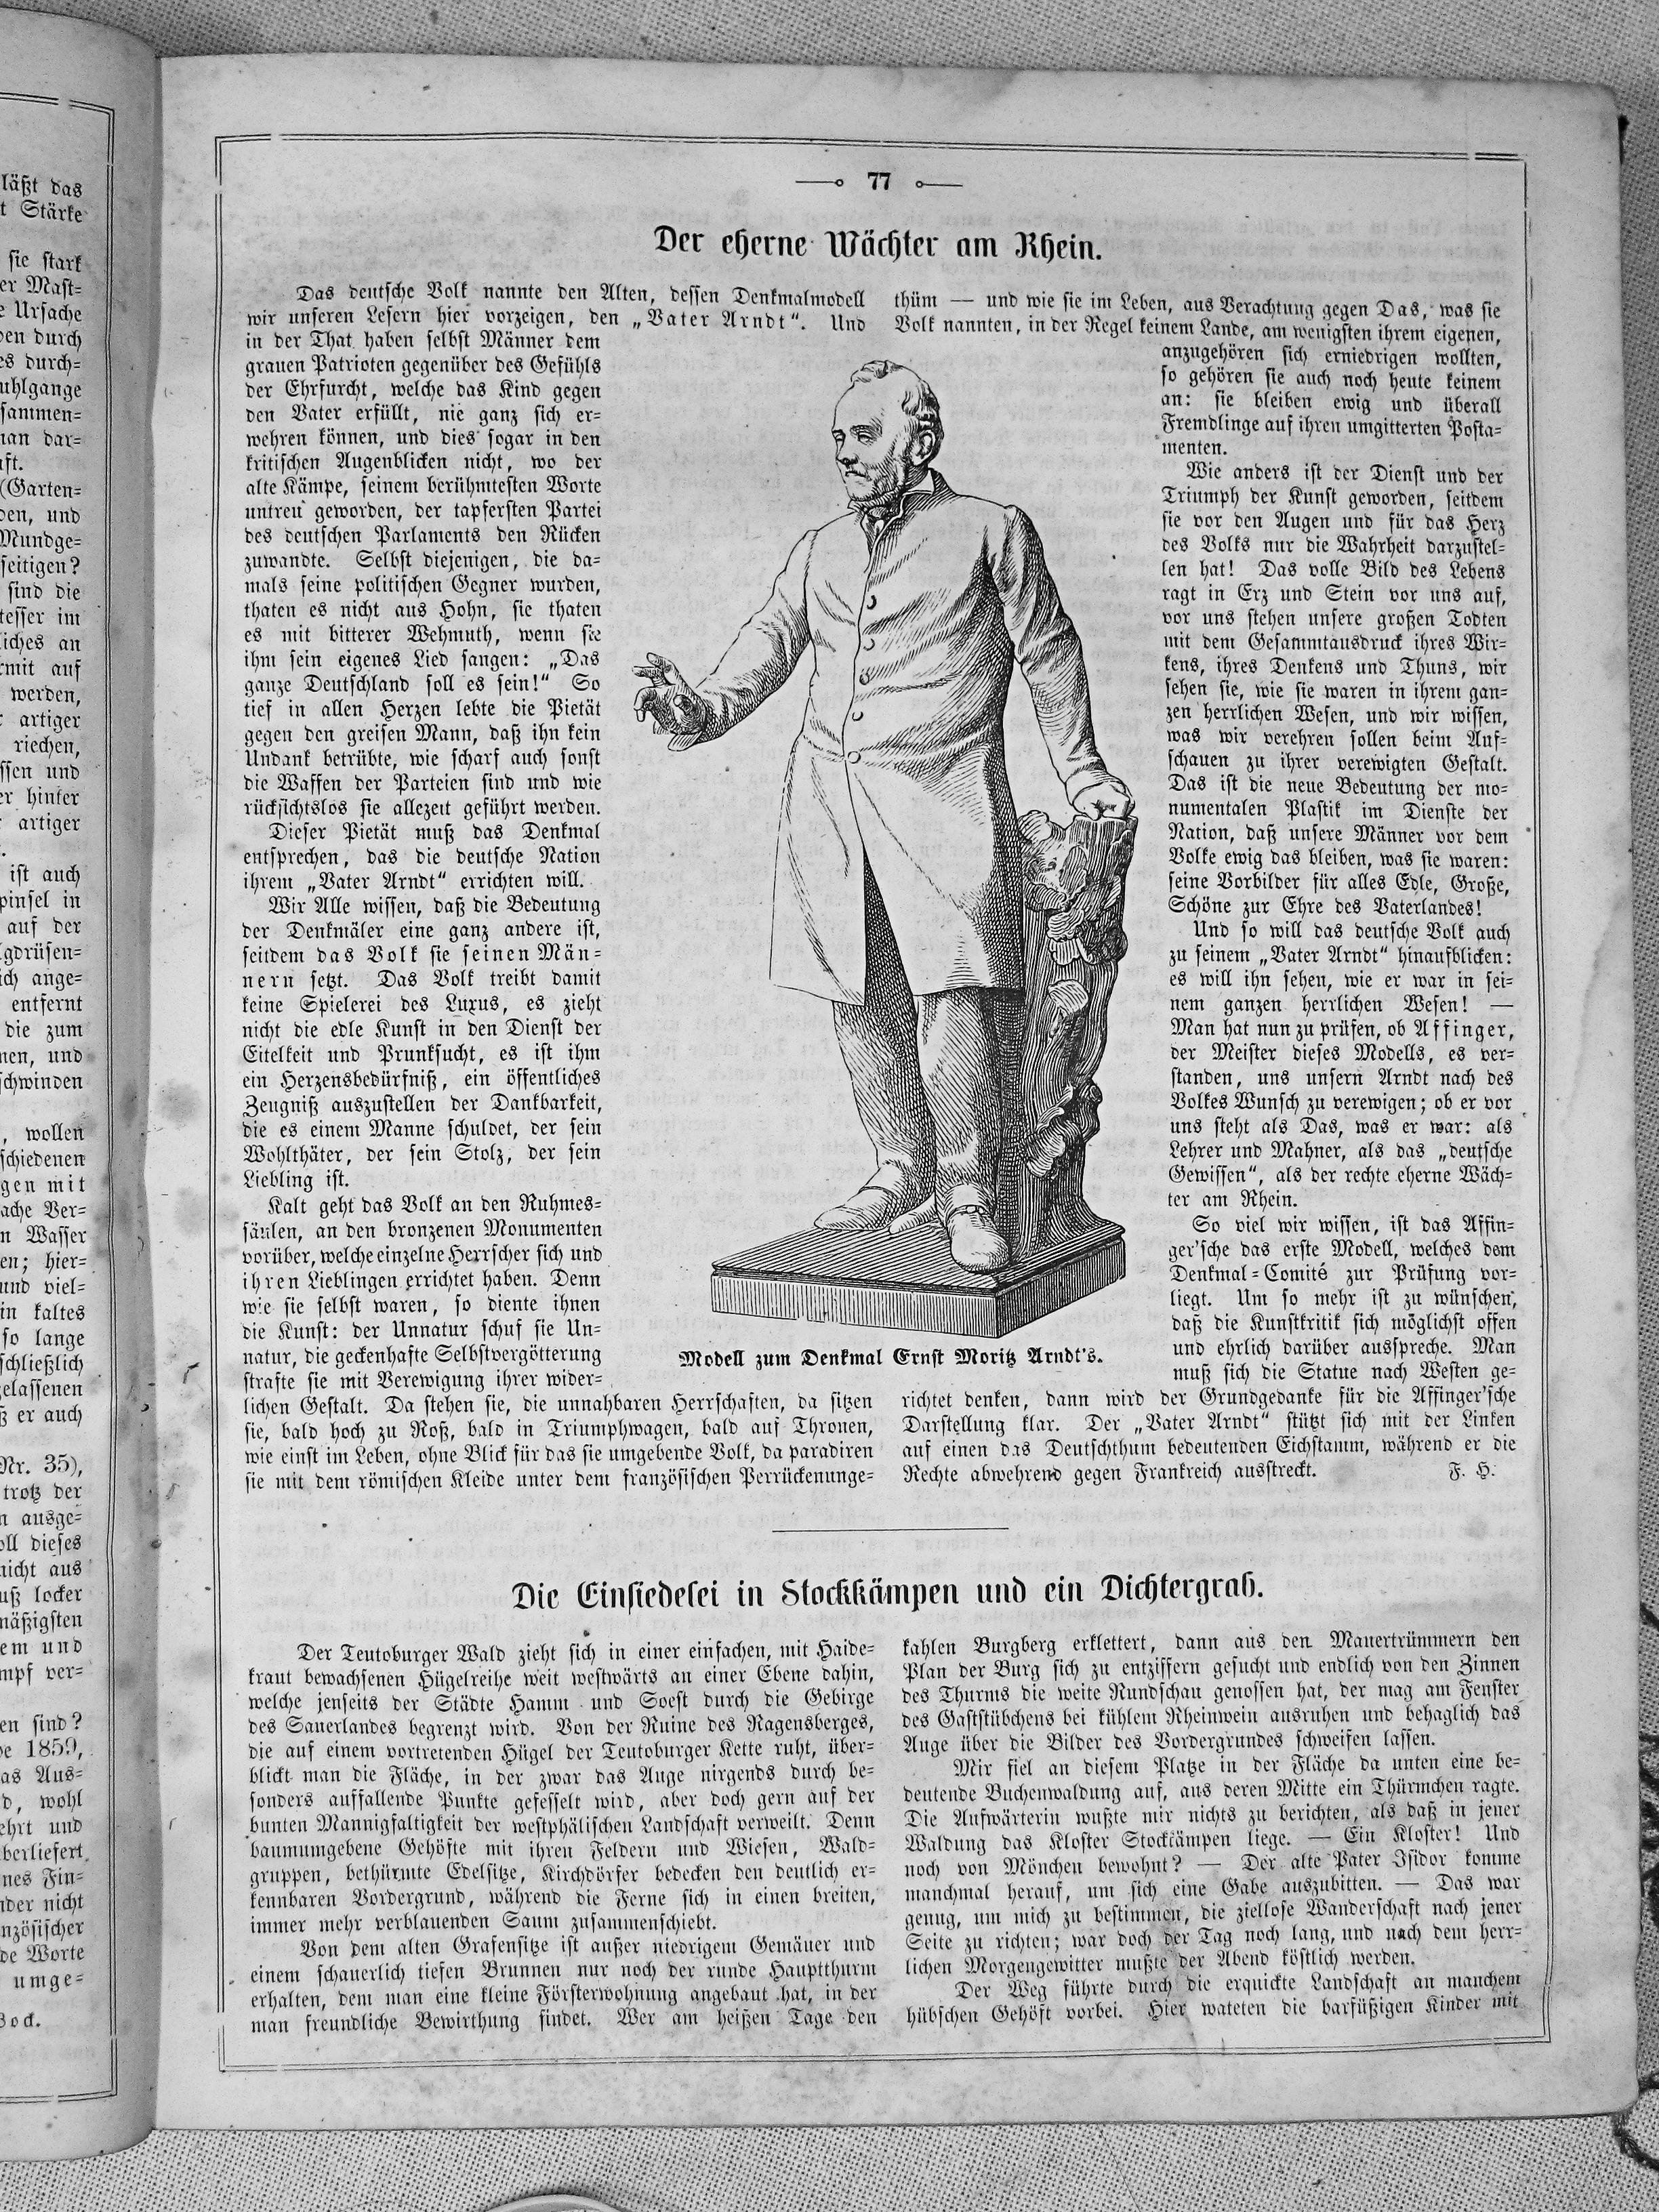Der eherne Wächter am Rhein.

Das deutsche Volk nannte den Alten, dessen Denkmalmodell wir unseren Lesern hier vorzeigen, den „Vater Arndt“. Und in der That haben selbst Männer dem grauen Patrioten gegenüber des Gefühls der Ehrfurcht, welche das Kind gegen den Vater erfüllt, nie ganz sich erwehren können, und dies sogar in den kritischen Augenblicken nicht, wo der alte Kämpe, seinem berühmtesten Worte untreu geworden, der tapfersten Partei des deutschen Parlaments den Rücken zuwandte. Selbst diejenigen, die damals seine politischen Gegner wurden, thaten es nicht aus Hohn, sie thaten es mit bitterer Wehmuth, wenn sie ihm sein eigenes Lied sangen: „Das ganze Deutschland soll es sein!“ So tief in allen Herzen lebte die Pietät gegen den greisen Mann, daß ihn kein Undank betrübte, wie scharf auch sonst die Waffen der Parteien sind und wie rücksichtslos sie allezeit geführt werden.

Dieser Pietät muß das Denkmal entsprechen, das die deutsche Nation ihrem „Vater Arndt“ errichten will.

Wir Alle wissen, daß die Bedeutung der Denkmäler eine ganz andere ist, seitdem das Volk sie seinen Männern setzt. Das Volk treibt damit keine Spielerei des Luxus, es zieht nicht die edle Kunst in den Dienst der Eitelkeit und Prunksucht, es ist ihm ein Herzensbedürfniß, ein öffentliches Zeugniß auszustellen der Dankbarkeit, die es einem Manne schuldet, der sein Wohlthäter, der sein Stolz, der sein Liebling ist.

Kalt geht das Volk an den Ruhmessäulen, an den bronzenen Monumenten vorüber, welche einzelne Herrscher sich und ihren Lieblingen errichtet haben. Denn wie sie selbst waren, so diente ihnen die Kunst: der Unnatur schuf sie Unnatur, die geckenhafte Selbstvergötterung strafte sie mit Verewigung ihrer widerlichen Gestalt. Da stehen sie, die unnahbaren Herrschaften, da sitzen sie, bald hoch zu Roß, bald in Triumphwagen, bald auf Thronen, wie einst im Leben, ohne Blick für das sie umgebende Volk, da paradiren sie mit dem römischen Kleide unter dem französischen Perrückenungethüm – und wie sie im Leben, aus Verachtung gegen Das, was sie Volk nannten, in der Regel keinem Lande, am wenigsten ihrem eigenen, anzugehören sich erniedrigen wollten, so gehören sie auch noch heute keinem an: sie bleiben ewig und überall Fremdlinge auf ihren umgitterten Postamenten.

Modell zum Denkmal Ernst Moritz Arndt’s.

Wie anders ist der Dienst und der Triumph der Kunst geworden, seitdem sie vor den Augen und für das Herz des Volks nur die Wahrheit darzustellen hat! Das volle Bild des Lebens ragt in Erz und Stein vor uns auf, vor uns stehen unsere großen Todten mit dem Gesammtausdruck ihres Wirkens, ihres Denkens und Thuns, wir sehen sie, wie sie waren in ihrem ganzen herrlichen Wesen, und wir wissen, was wir verehren sollen beim Aufschauen zu ihrer verewigten Gestalt. Das ist die neue Bedeutung der monumentalen Plastik im Dienste der Nation, daß unsere Männer vor dem Volke ewig das bleiben, was sie waren: seine Vorbilder für alles Edle, Große, Schöne zur Ehre des Vaterlandes!

Und so will das deutsche Volk auch zu seinem „Vater Arndt“ hinaufblicken: es will ihn sehen, wie er war in seinem ganzen herrlichen Wesen! – Man hat nun zu prüfen, ob Affinger, der Meister dieses Modells, es verstanden, uns unsern Arndt nach des Volkes Wunsch zu verewigen; ob er vor uns steht als Das, was er war: als Lehrer und Mahner, als das „deutsche Gewissen“, als der rechte eherne Wächter am Rhein.

So viel wir wissen, ist das Affinger’sche das erste Modell, welches dem Denkmal-Comité zur Prüfung vorliegt. Um so mehr ist zu wünschen, daß die Kunstkritik sich möglichst offen und ehrlich darüber ausspreche. Man muß sich die Statue nach Westen gerichtet denken, dann wird der Grundgedanke für die Affinger’sche Darstellung klar. Der „Vater Arndt“ stützt sich mit der Linken auf einen das Deutschthum bedeutenden Eichstamm, während er die Rechte abwehrend gegen Frankreich ausstreckt.
F. H.

Die Einsiedelei in Stockkämpen und ein Dichtergrab.

Der Teutoburger Wald zieht sich in einer einfachen, mit Haidekraut bewachsenen Hügelreihe weit westwärts an einer Ebene dahin, welche jenseits der Städte Hamm und Soest durch die Gebirge des Sauerlandes begrenzt wird. Von der Ruine des Ragensberges, die auf einem vortretenden Hügel der Teutoburger Kette ruht, überblickt man die Fläche, in der zwar das Auge nirgends durch besonders auffallende Punkte gefesselt wird, aber doch gern auf der bunten Mannigfaltigkeit der westphälischen Landschaft verweilt. Denn baumumgebene Gehöfte mit ihren Feldern und Wiesen, Waldgruppen, bethürmte Edelsitze, Kirchdörfer bedecken den deutlich erkennbaren Vordergrand, während die Ferne sich in einen breiten, immer mehr verblauenden Saum zusammenschiebt.

Von dem alten Grafensitze ist außer niedrigem Gemäuer und einem schauerlich tiefen Brunnen nur noch der runde Hauptthurm erhalten, dem man eine kleine Försterwohnung angebaut hat, in der man freundliche Bewirthung findet. Wer am heißen Tage den kahlen Burgberg erklettert, dann aus den Mauertrümmern den Plan der Burg sich zu entziffern gesucht und endlich von den Zinnen des Thurms die weite Rundschau genossen hat, der mag am Fenster des Gaststübchens bei kühlem Rheinwein ausruhen und behaglich das Auge über die Bilder des Vordergrundes schweifen lassen.

Mir fiel an diesem Platze in der Fläche da unten eine bedeutende Buchenwaldung auf, aus deren Mitte ein Thürmchen ragte. Die Aufwärterin wußte mir nichts zu berichten, als daß in jener Waldung das Kloster Stockkämpen liege. – Ein Kloster! Und noch von Mönchen bewohnt? – Der alte Pater Isidor komme manchmal herauf, um sich eine Gabe auszubitten. – Das war genug, um mich zu bestimmen, die ziellose Wanderschaft nach jener Seite zu richten; war doch der Tag noch lang, und nach dem herrlichen Morgengewitter mußte der Abend köstlich werden.

Der Weg führte durch die erquickte Landschaft an manchem hübschen Gehöft vorbei. Hier wateten die barfüßigen Kinder mit
